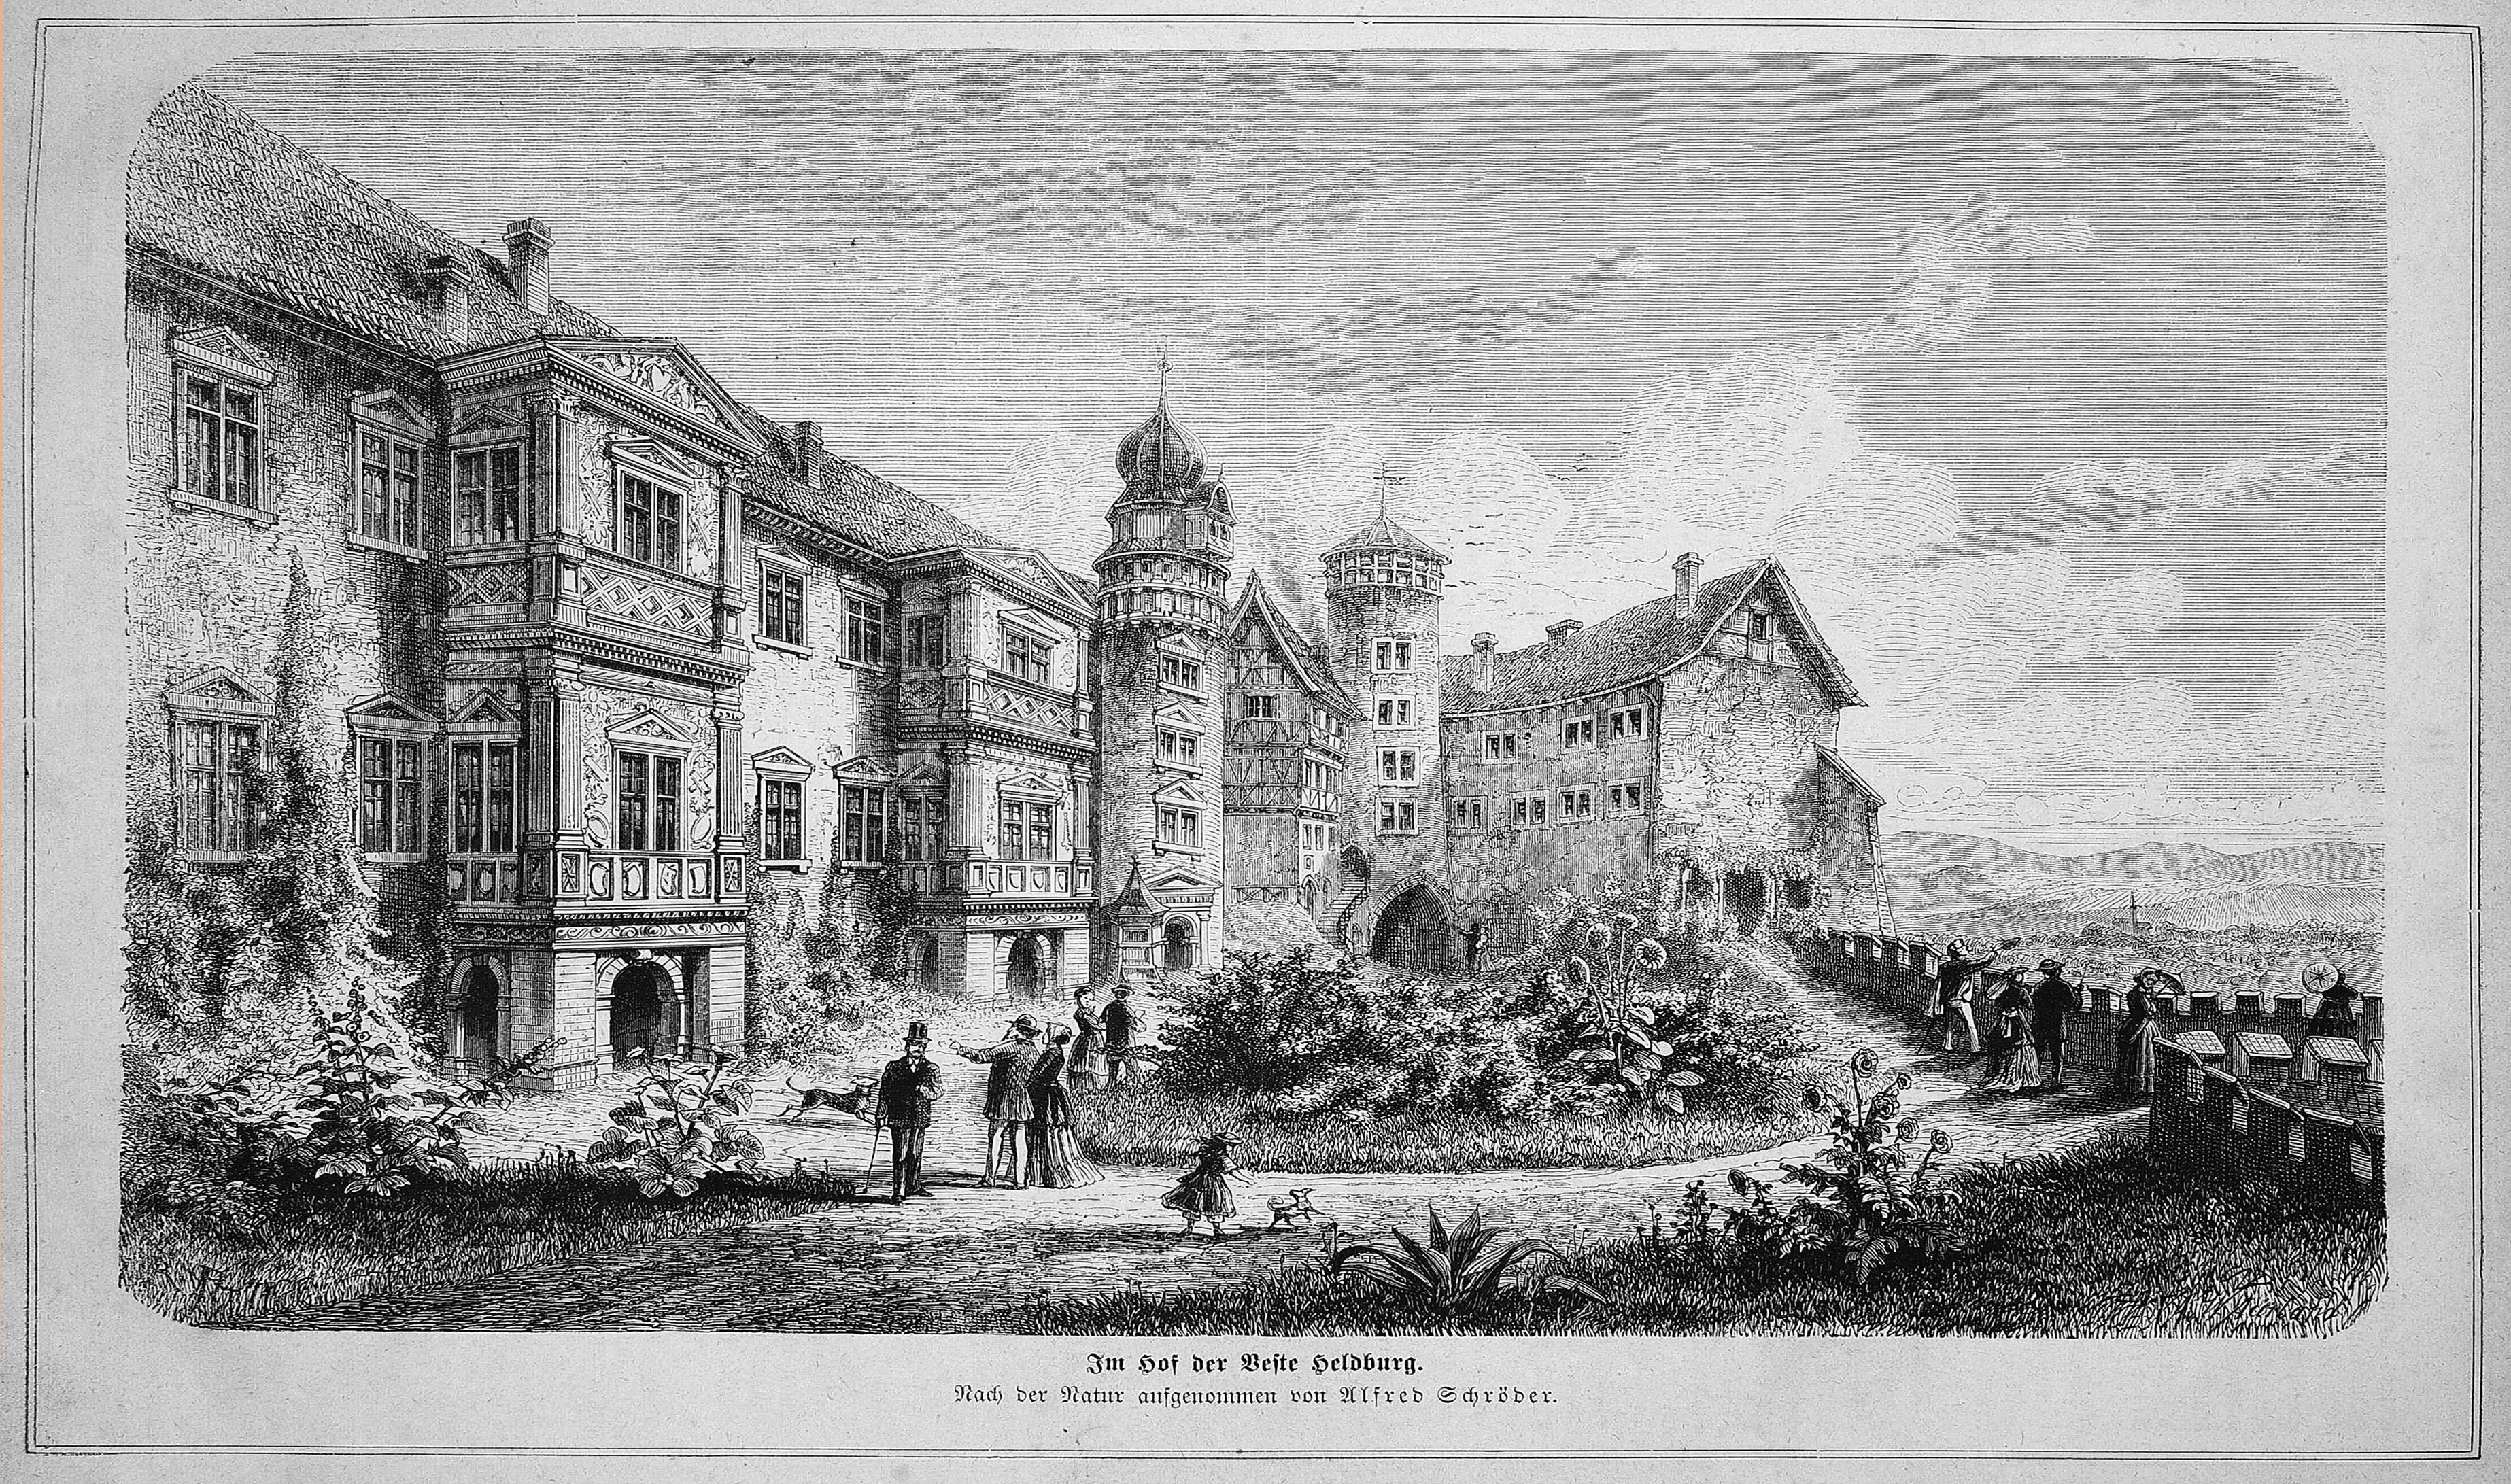Im Hof der Veste Heldburg.
Nach der Natur aufgenommen von Alfred Schröder.
